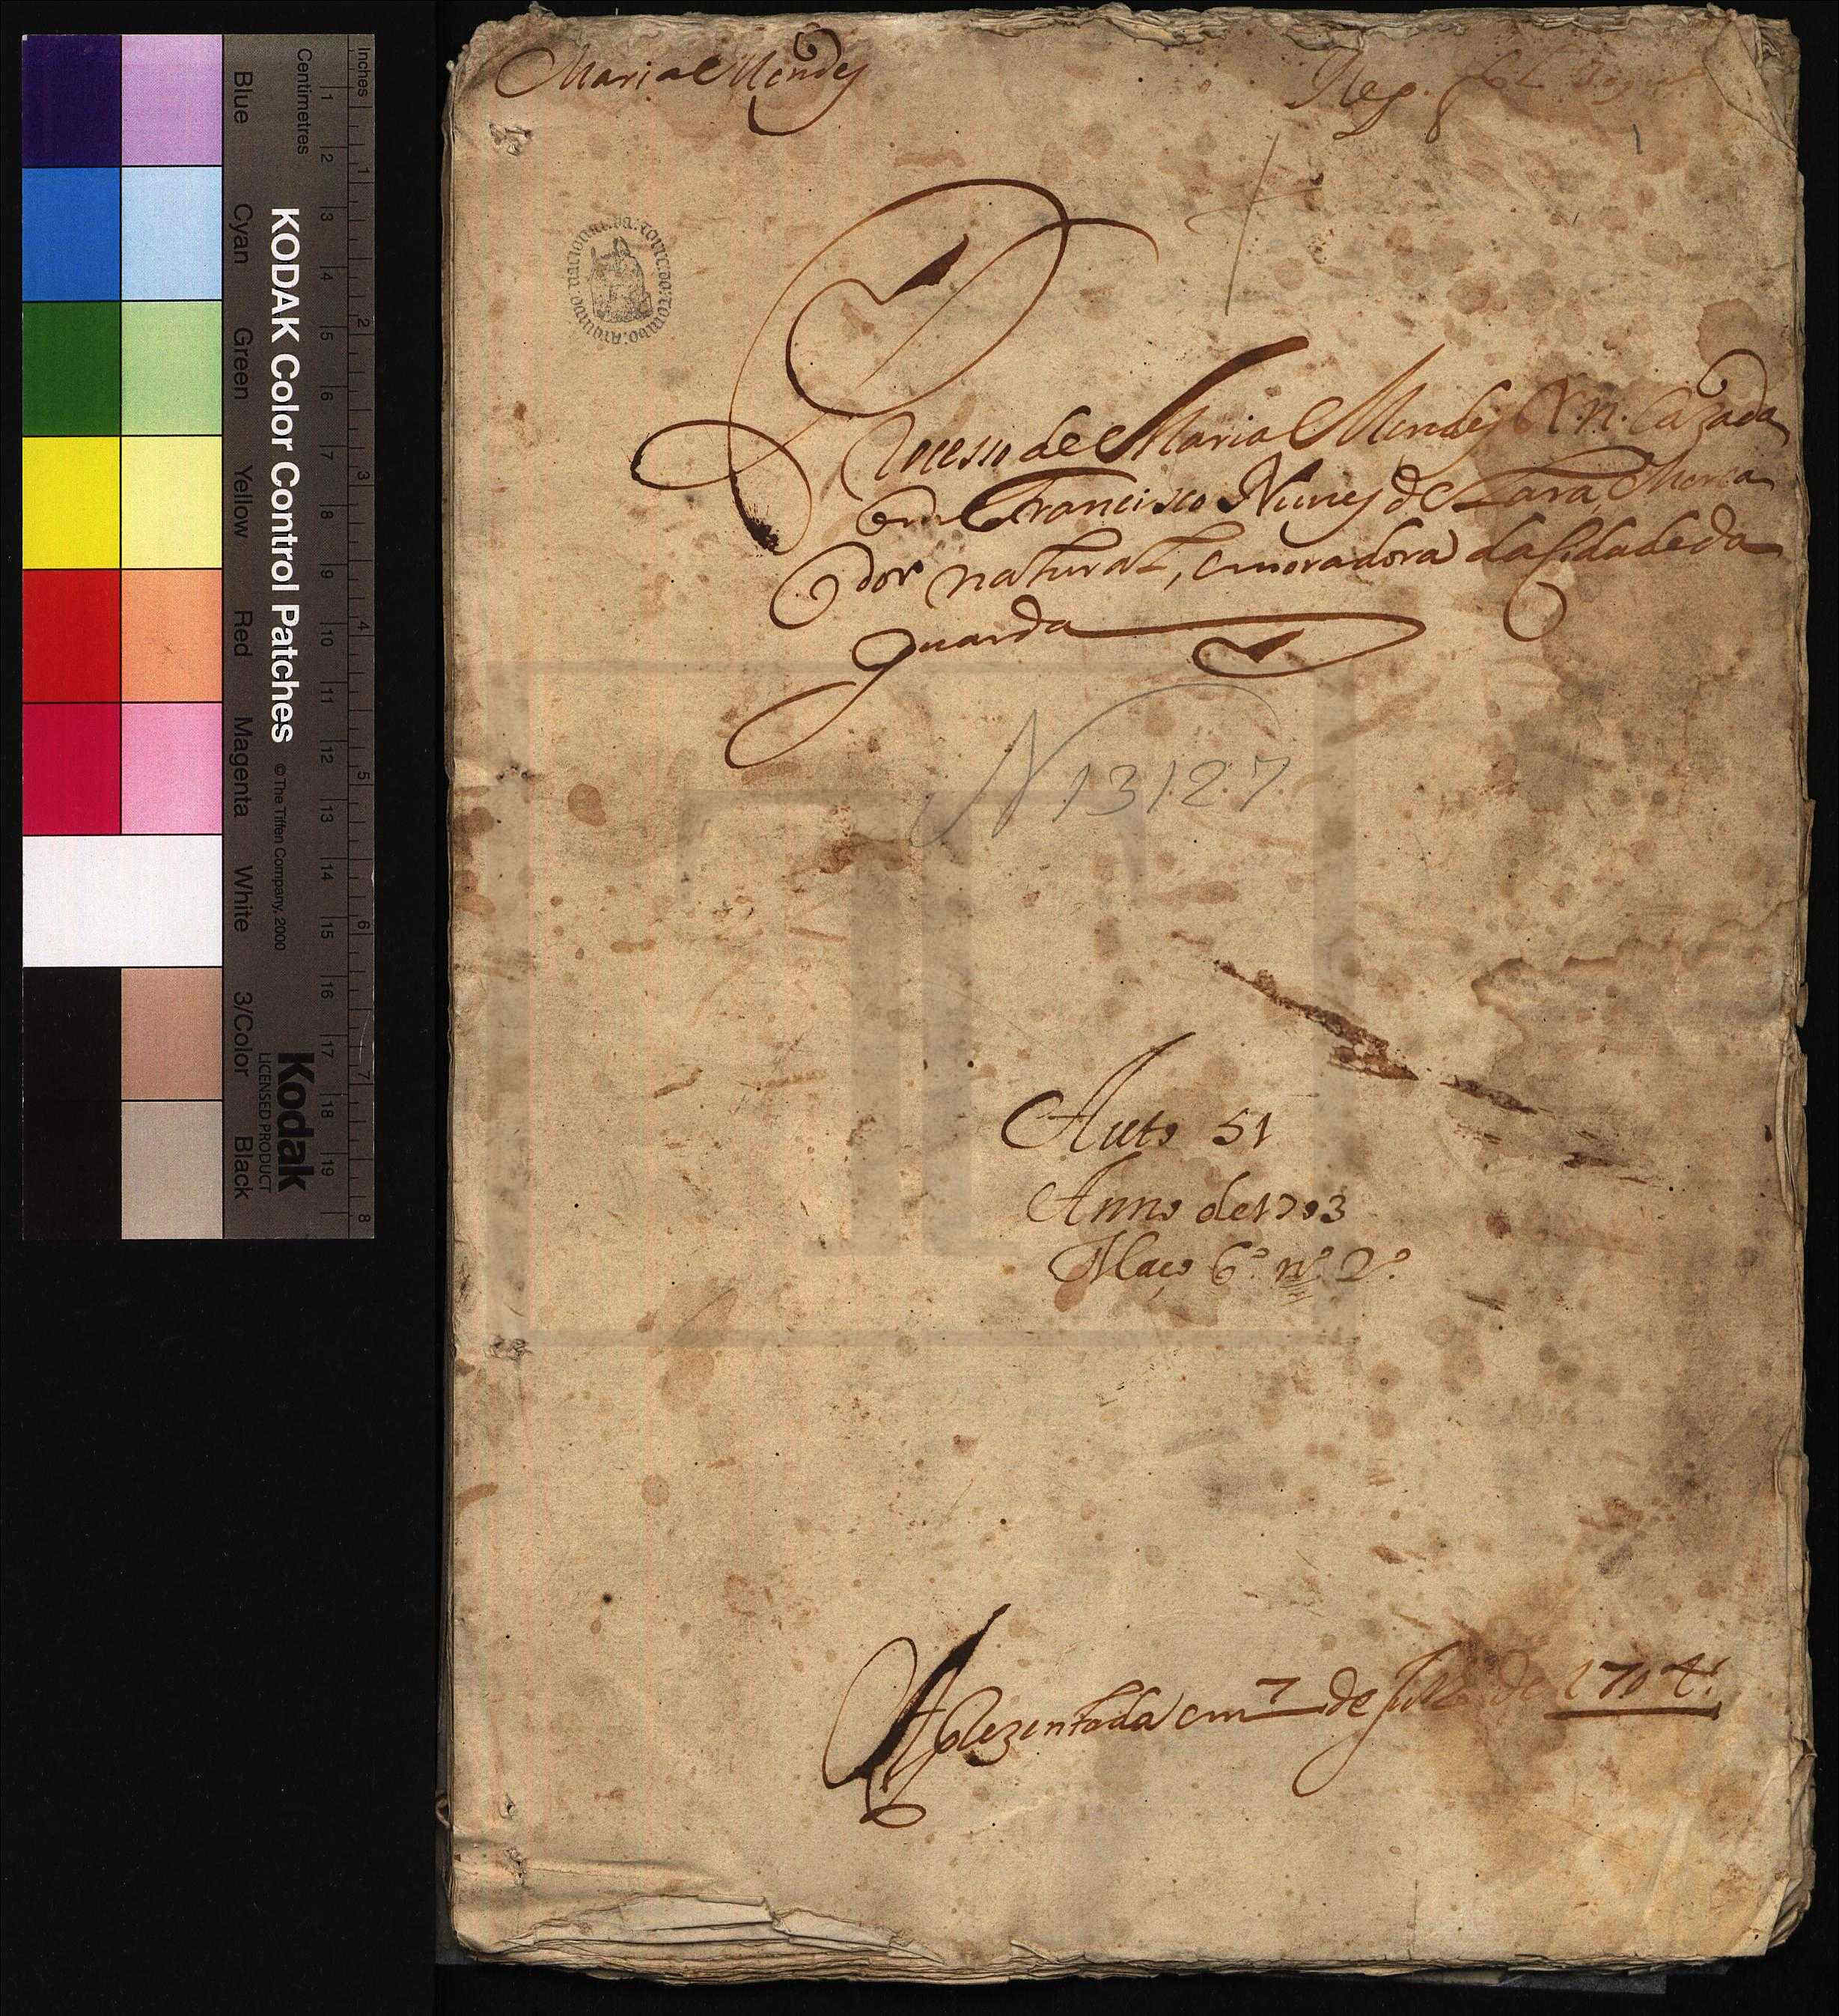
Maria Mendes
Rep. fol 309 v.o
Processo de Maria Mendes X. n. Cazada
Com Francisco Nunes de Lara, Merca
dor natural, e moradora da Cidade da
Guarda
Auto 51
Anno de 1703
Maço 6.o n.o 2.o
Aprezentada em 7 de Julho de 1704.
